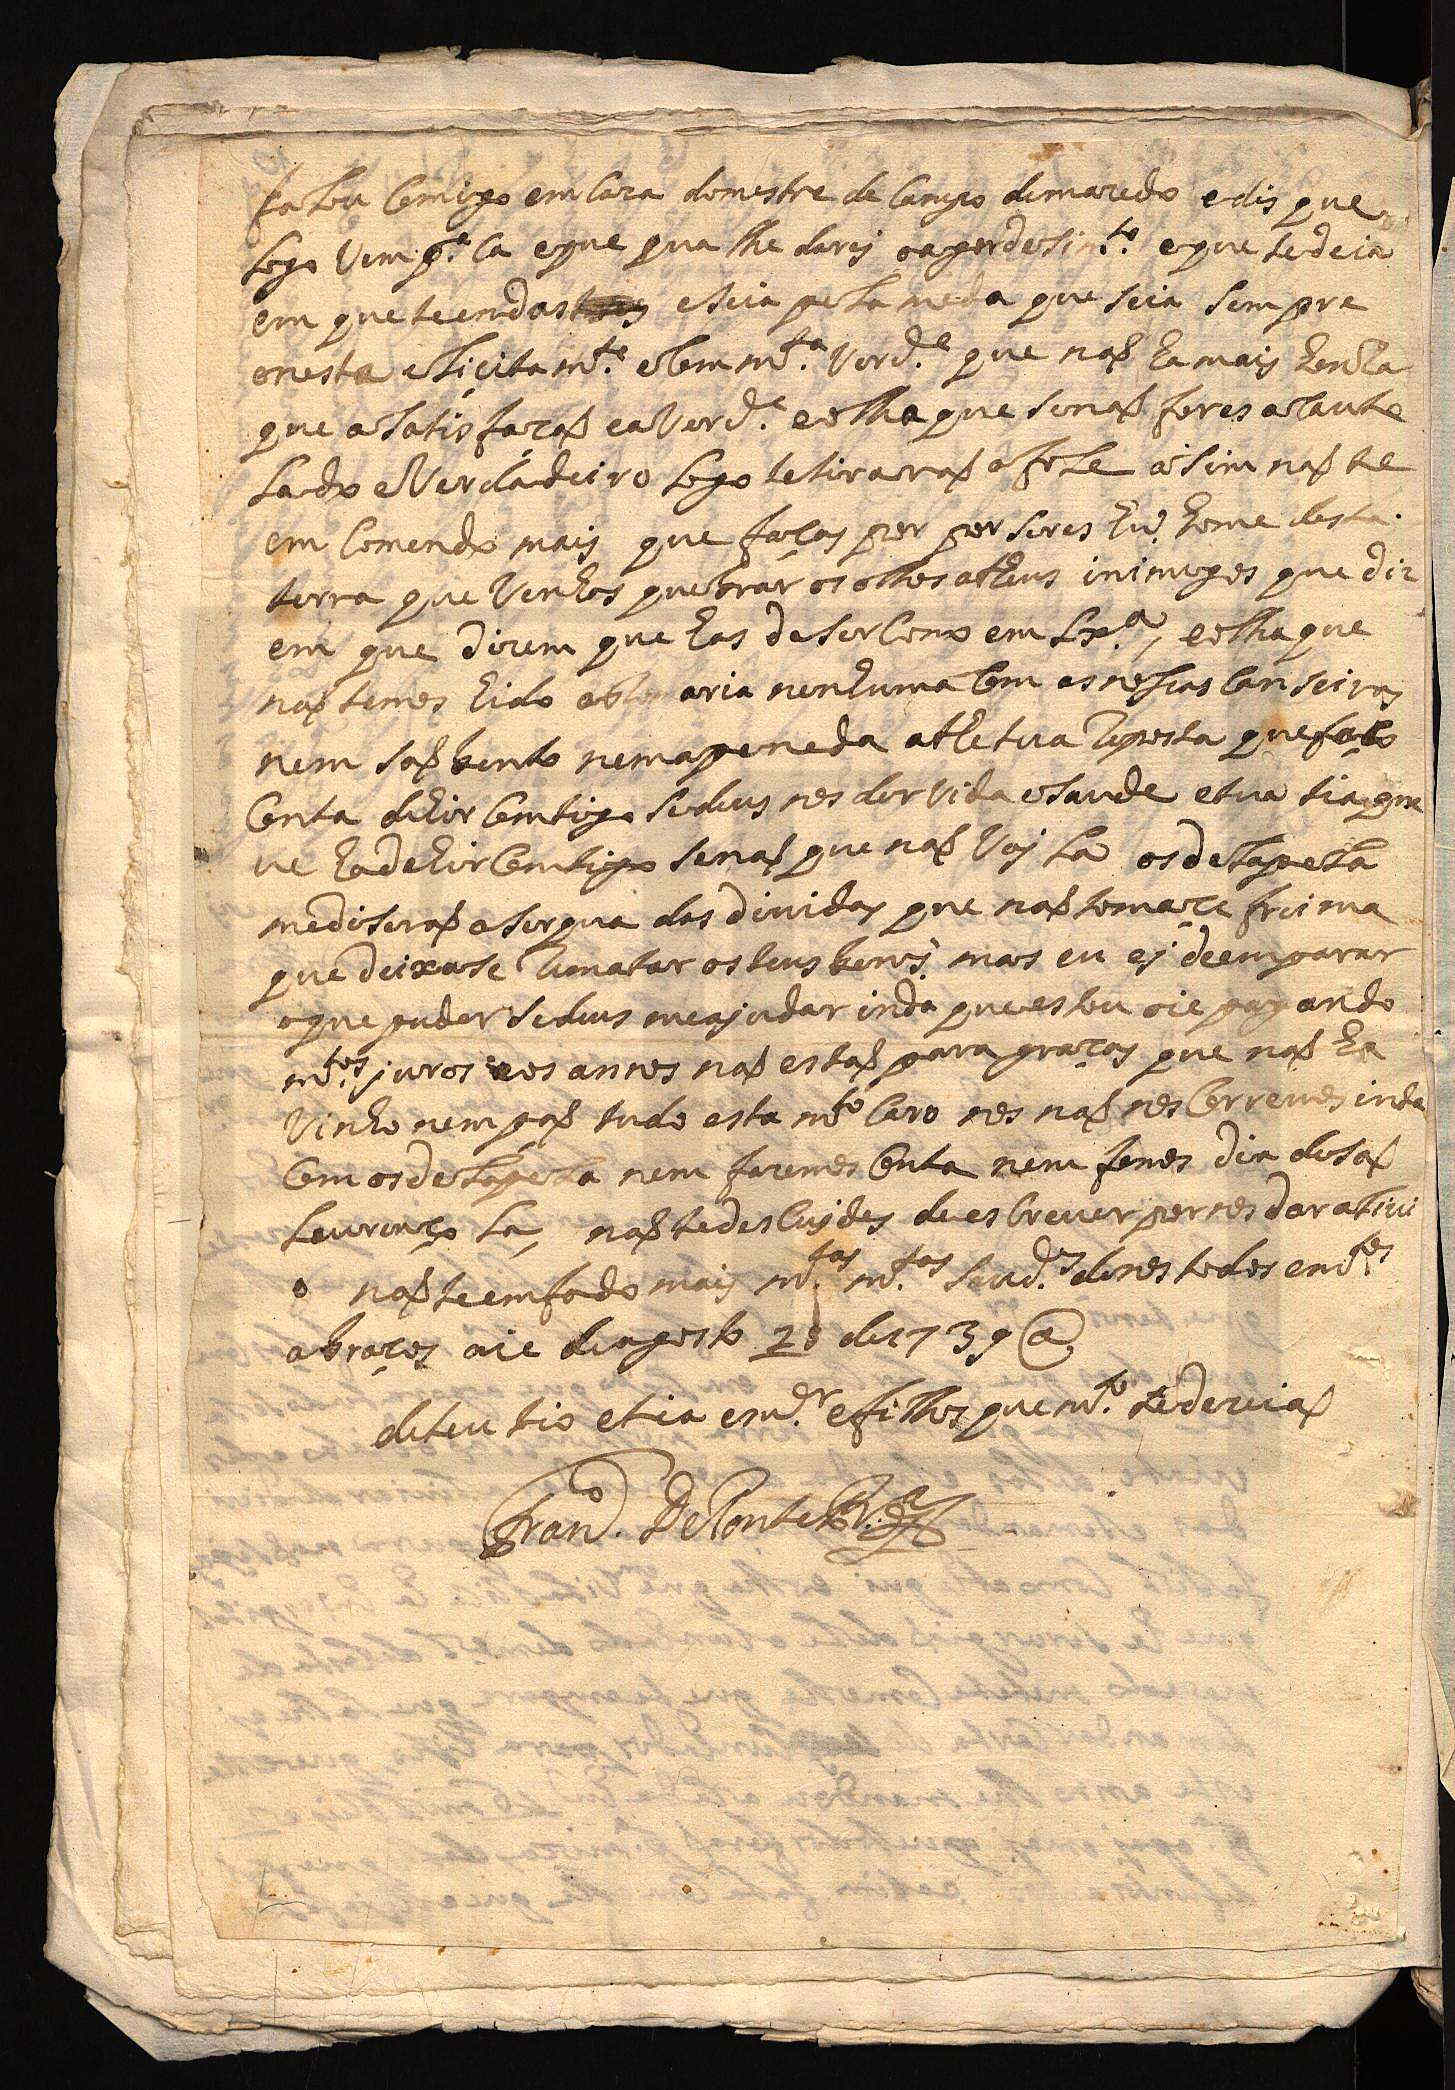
falou Comigo em caza do mestre de Campo de macedo e dis que
logo Vem p.a ca e que qua lhe darej o agardesim.to e que se deia
em que te endas_ e seia pela uida que seia sempre
e nesta ilicitam.te e Com m.ta verd.e que naõ ha mais honRa
que a satisfaçaõ e a verd.e e olha que se naõ fores acaute
lado e Verdadeiro logo se tiraraõ a foLe asim naõ te
emComendo mais que faças por por seres hū home desta
terra que Venhas quebrar os olhos a theus inimigos que diz
em que dizem que has de ser Como em Lx.a, e olha que
naõ temos hido a Romaria nenhuma com as nossas canseiras
nem saõ bento nem a peneda athe ter a Reposta que faço
conta de hir Comtigo se deus nos der vida e saude e tua tia que
ue ha de hir Comtigo senaõ que naõ vaj La os de LapeLa
me diseraõ aserqua das diuidas que naõ tomace freima
que deixase Rematar os teus bens̄ mas eu ej de emparar
o que puder se deus me ajudar inda que estou oie pagando
m.tos juros aos annos naõ estaõ para graças que naõ ha
vinho nem paõ tudo esta mto caro nos naõ nos Corremos inda
Com os de LapeLa nem fazemos Conta nem fomos dia de saõ
Lourenço La, naõ te descujdes de escreuer por nos dar aliui
o naõ te emfado mais m.tas m.tas saud.es de nos todos e m.tos
abraços oie de agosto 28 de 1739 ā
de teu tio e tia e m.er e filhos que m.to te dezeiaꝭ
Fran.co De Ponte Pr.a
